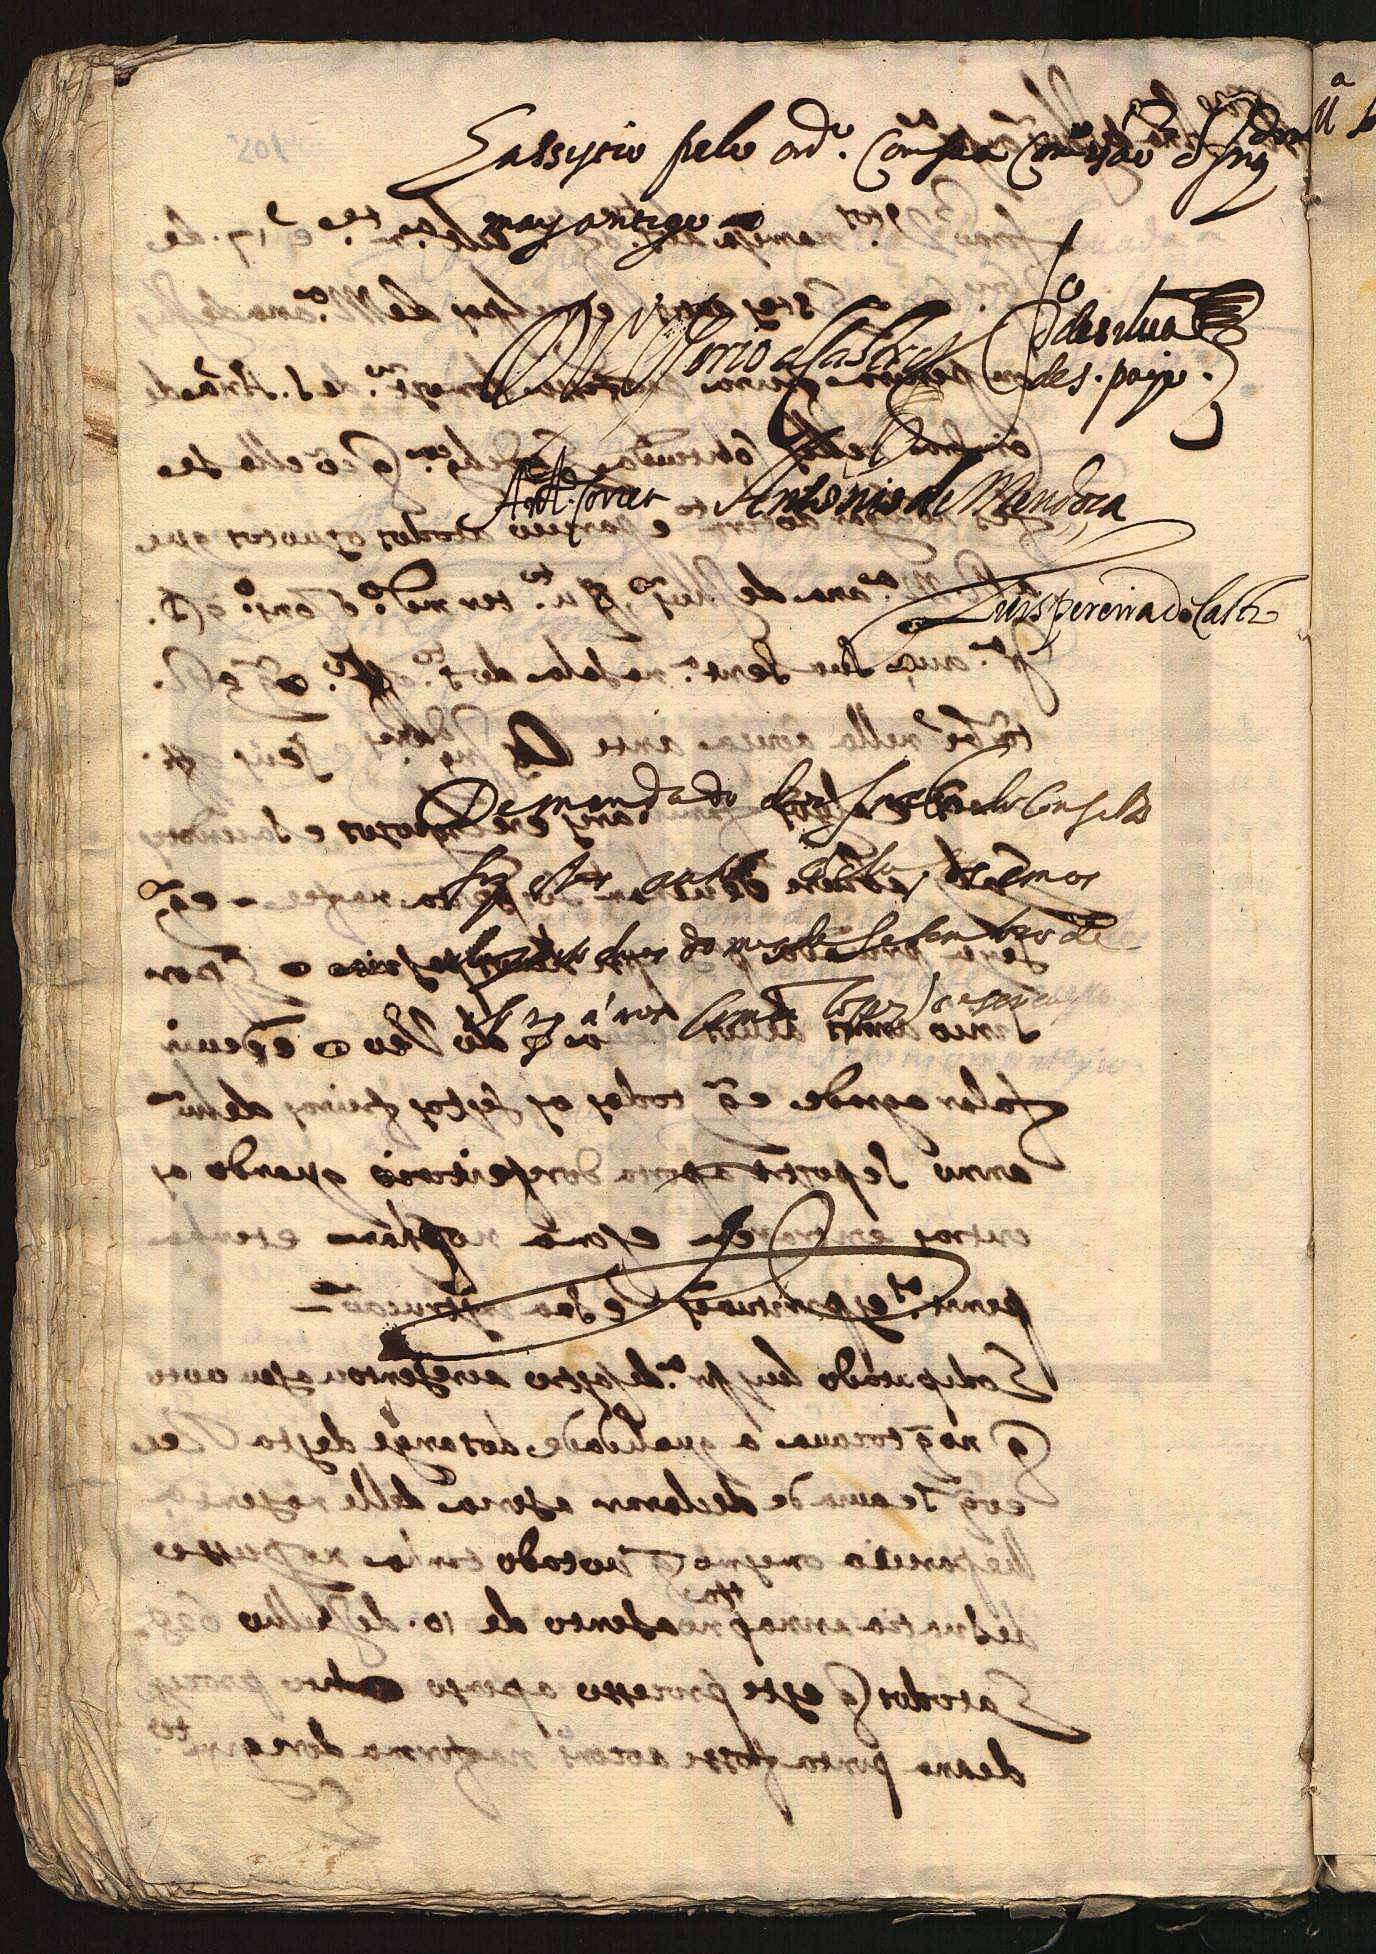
E assystio pelo ordo. Com sua Comisaõ o Jnqdor
mais antigo -
De mandado dos snrs̄ do Conselho
fiz estes autos cōclusos em os
dezoito dias do mes de Setembro de
1629 ānos simaõ lopez o escreuj
